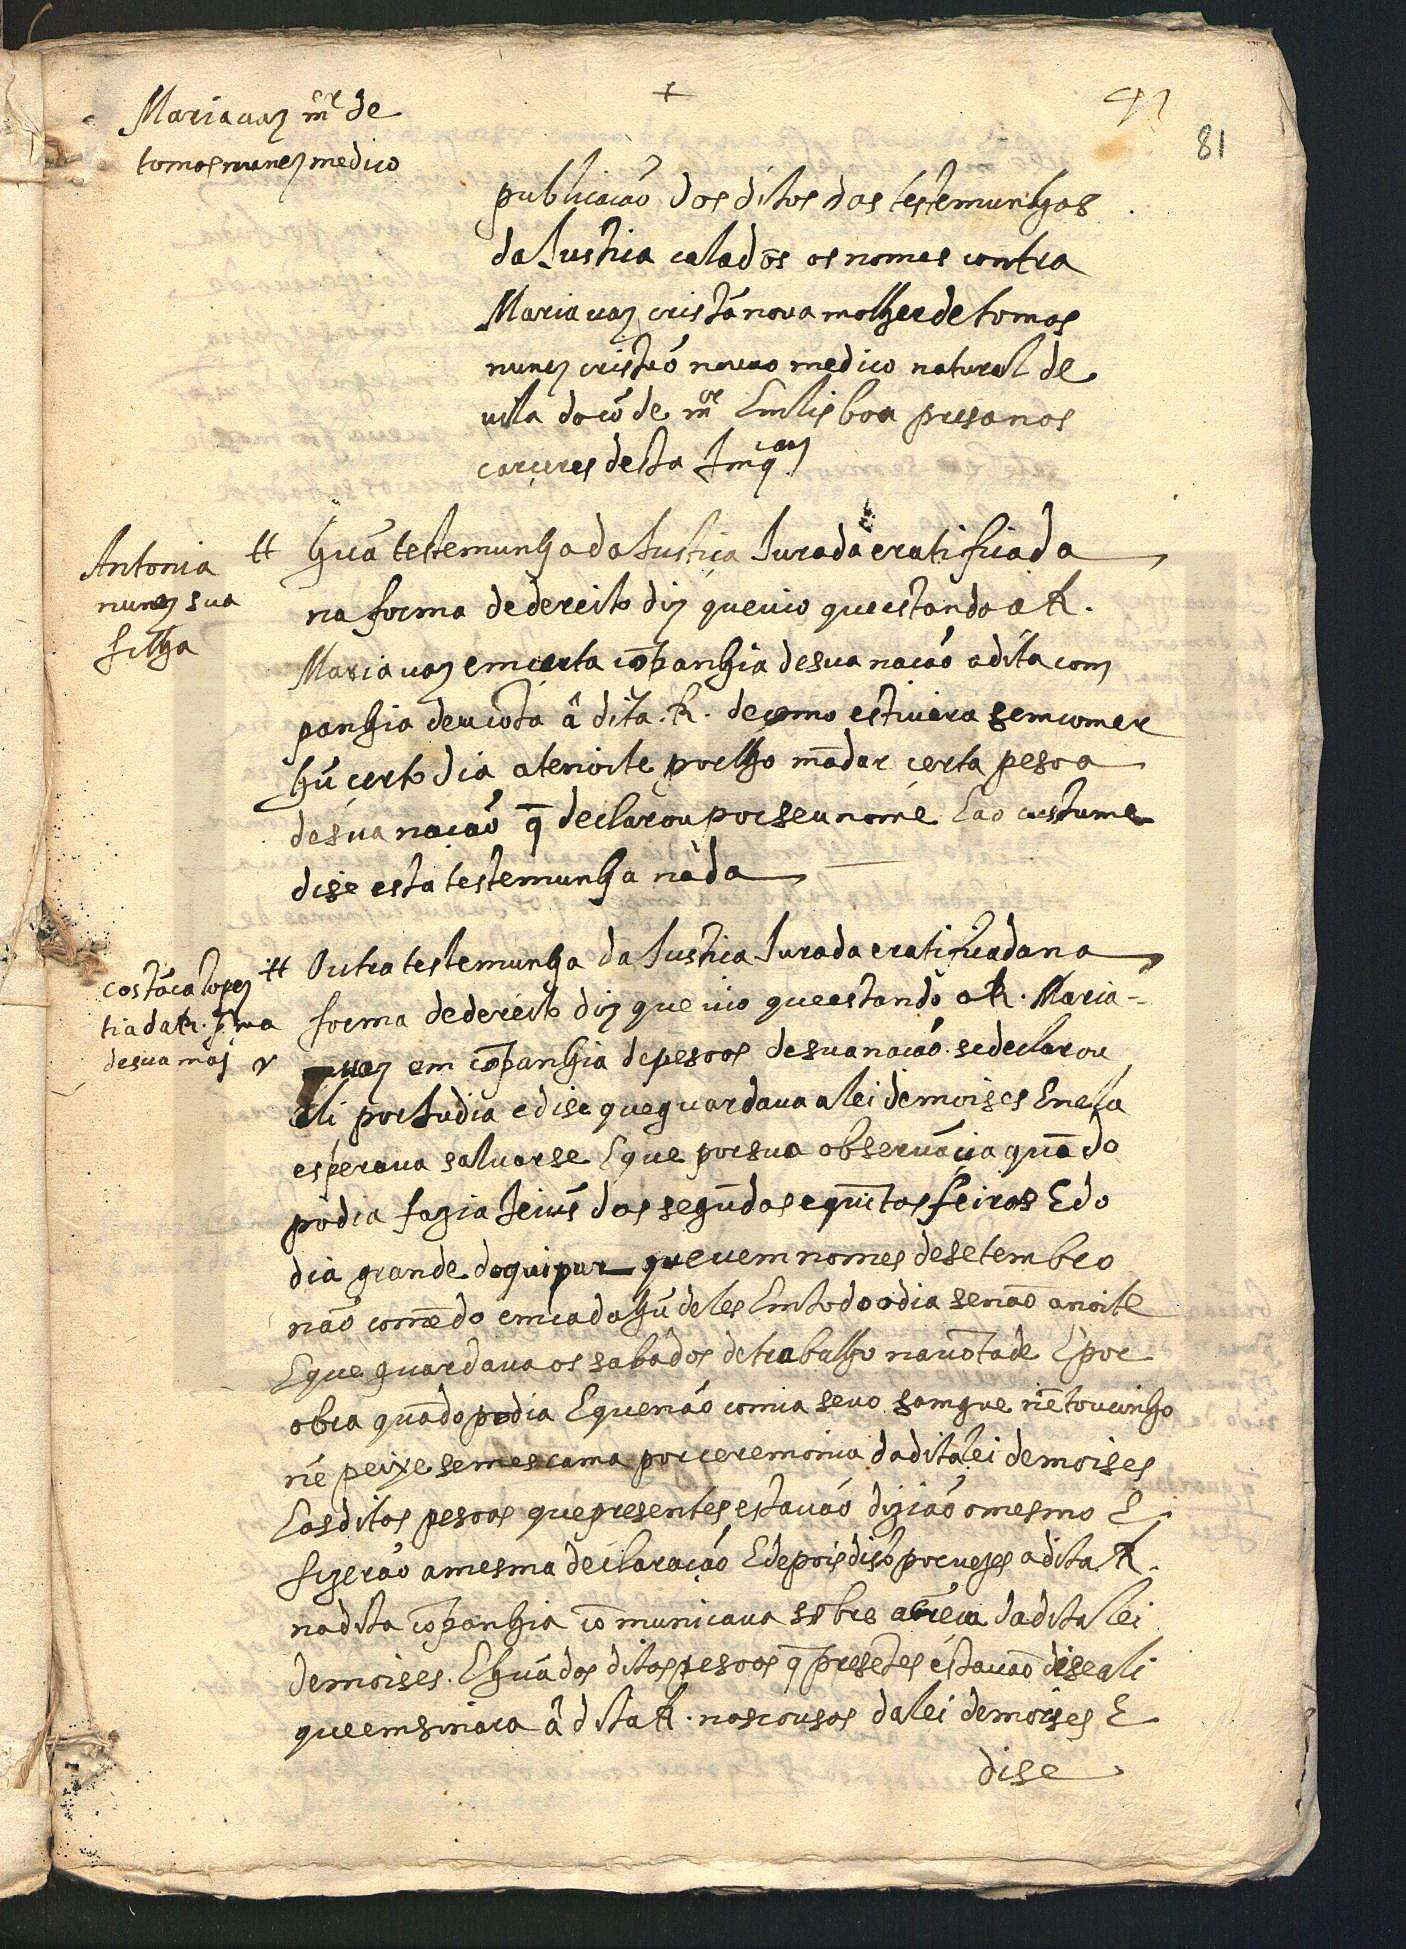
Maria uaz mer de
tomas nunes medico
publicacaõ dos ditos das testemunhas
da Justica calados os nomes contra
Maria uaz cristā noua molher de tomas
nunez cristaõ nouo medico natural de
uilla do cōde mor Em lisboa presa nos
carçeres desta Imq.cam
item huā testemunha da Iustiça Iurada e ratificada
na forma de dereito diz que uio que estando a R.
Maria uaz em çerta cōpanhia de sua naçaõ a dita com
panhia deu cōta â dita .R. de como estiuera sem comer
hū çerto dia ate noite por lho mādar çerta pesoa
de sua naçaõ q̄ declarou por seu nome E ao custume
dise esta testemunha nada
item Outra testemunha da Iustica Iurada e ratificada na
forma de dereito diz que uio que estando a R. Maria
uaz em cōpanhia de pesoas de sua naçaõ se declarou
ali por Iudia e dise que guardaua a lei de moises E nela
esperaua saluarse E que por sua obseruānçia quādo
podia fazia Ieiūs das segūdas e quītas feiras E do
dia grande do quipur que uem no mes de setembro
naõ comēdo em cada hū deles Em todo o dia senaõ a noite
E que guardaua os sabados de trabalho na uōtade E por
obra quādo podia E que naõ comia seuo samgue nē toucinho
nē peixe sem escama por ceremonia da dita lei de moises
E as ditas pesoas que presentes estauaõ diziaõ o mesmo E
fizerão a mesma declaraçaõ E depois disō por uezes a dita R.
na dita c̄opanhia c̄omunicaua sobre a crēça da dita lei
de moises. E huā das ditas pesoas q̄ presētes estauão dise ali
que emsinaua â dita R. nas cousas da lei de moises E
dise
Antonia
nunez sua
filha
costāca lopez
tia da R. p̄ma
de sua maj
